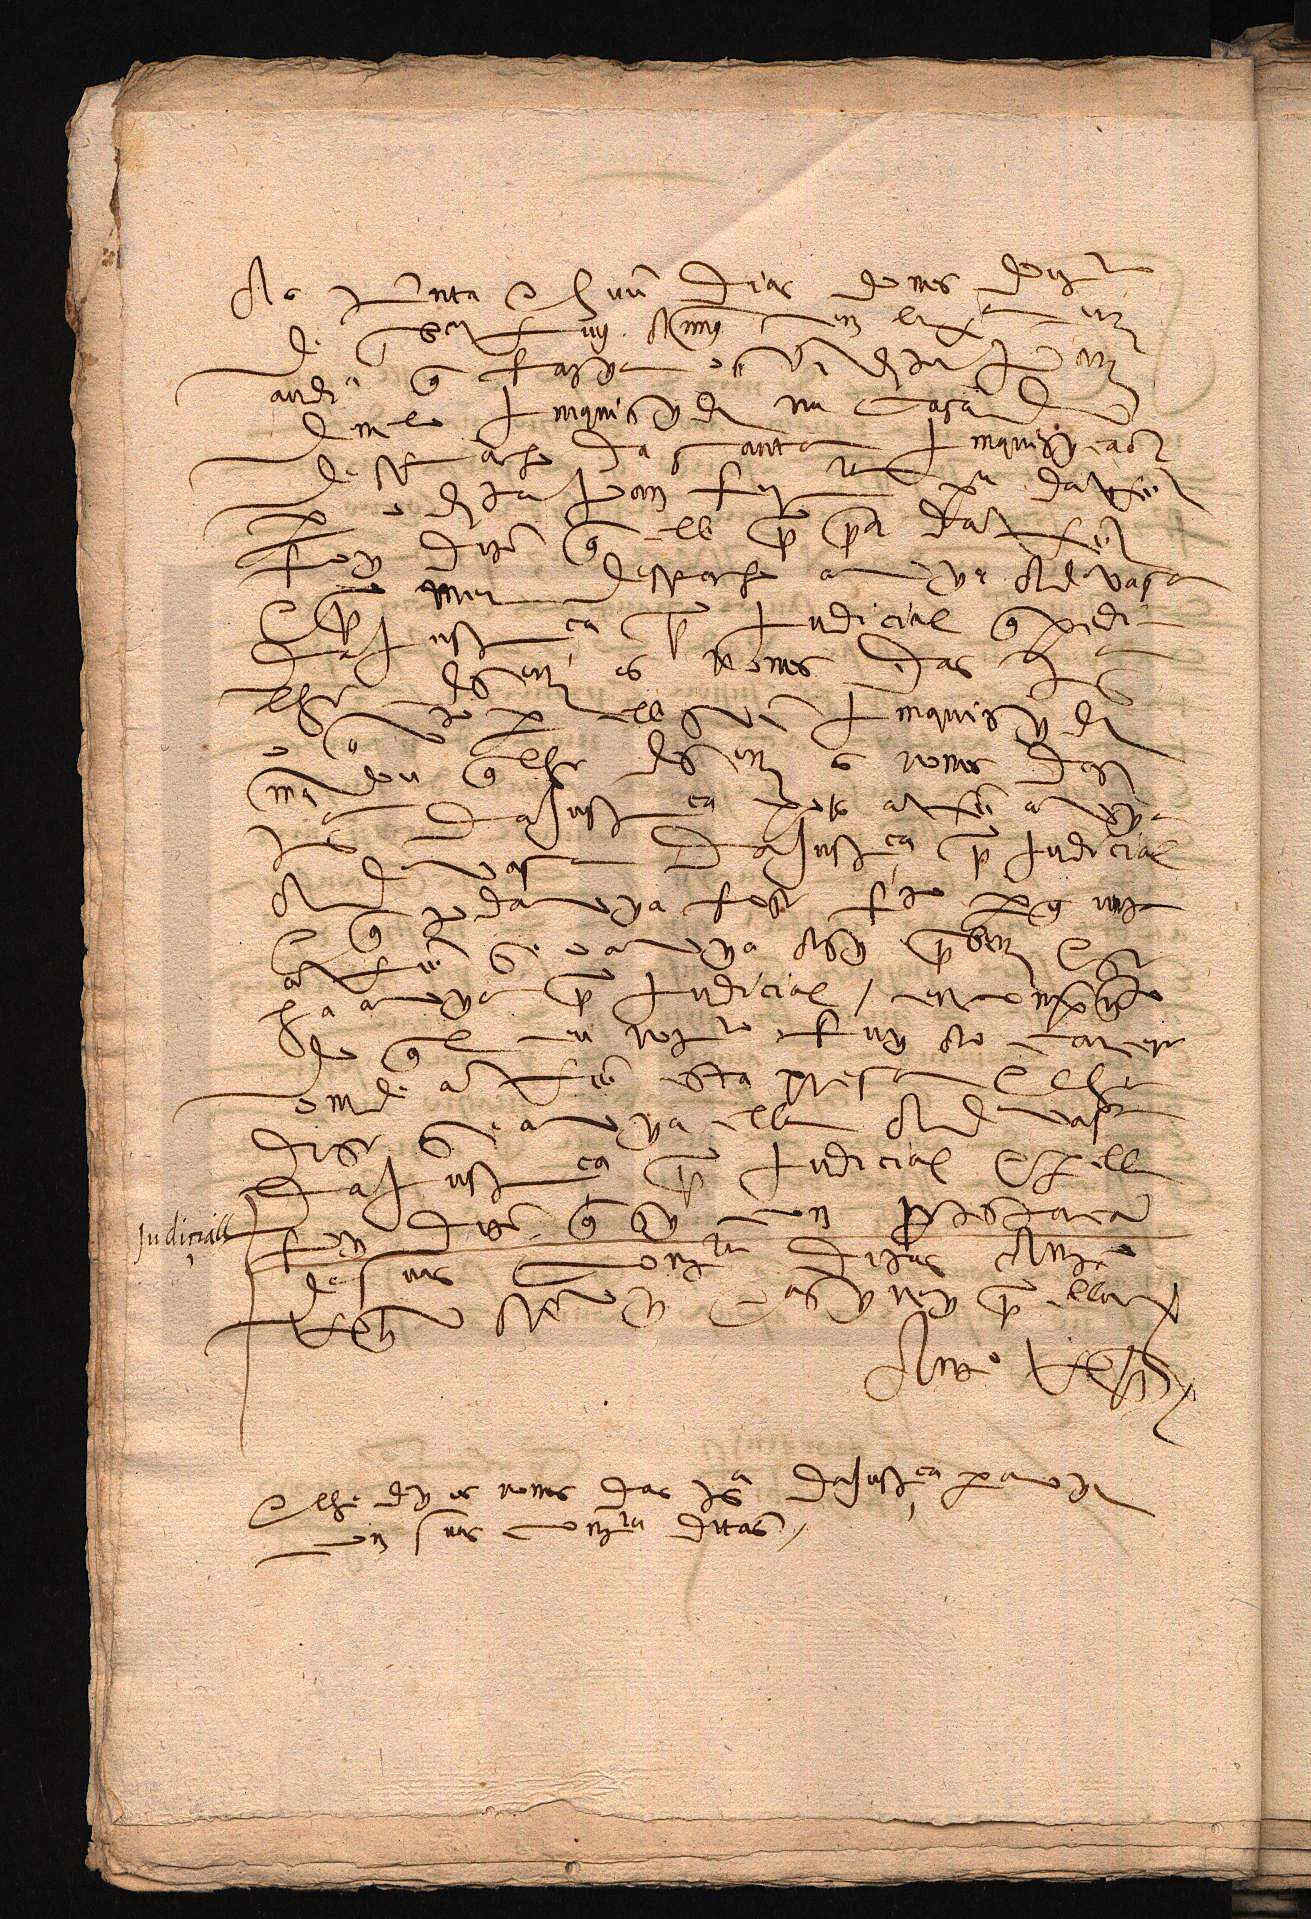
Aos tinta e huū dias do mes doutro
de j̄ bc Riiij . Annꝯ em lixa em
audia q̄ fazya o sor̄ dtor Joam
de melo Jmquisydor na Casa do
despacho da santa Jmquisycão
ꝑ o dtor Joam ferra por da Ree
foy dito q̄ elle p̄o p̄t da Ree
e p̄o ner despacho avya A devasa
da Justça p̄o Judiçial q̄ pedia
lhe desem os nomes das tsa
o q̄ vto ꝑ elle sor̄ Jmquisydor
m̄adou q̄ lhe desem os nomes das
tsa da Justca pojs a Ree avya
A devasa da Justça p̄o Judicial
e q̄ todavya fose fto ꝑgunta
a Ree se o avya Asy p̄ bem e se
ha avya p̄o Judiçial / em comp̄mto
do q̄l eu notro fuy Ao carçere
omde a Ree esta presa e lhe
dise se avya ella A devasa
da Justça p̄o Judicial e ꝑ ella
foy dito q̄ sy com ꝓtestacā
de suas Contraditas Anto
Roj̄z o sprvy e asyney p̄o ella
Anto Roj̄z
e lhe dey os nomes das tsa da Justça ꝑa vyr
com suas contraditas /
